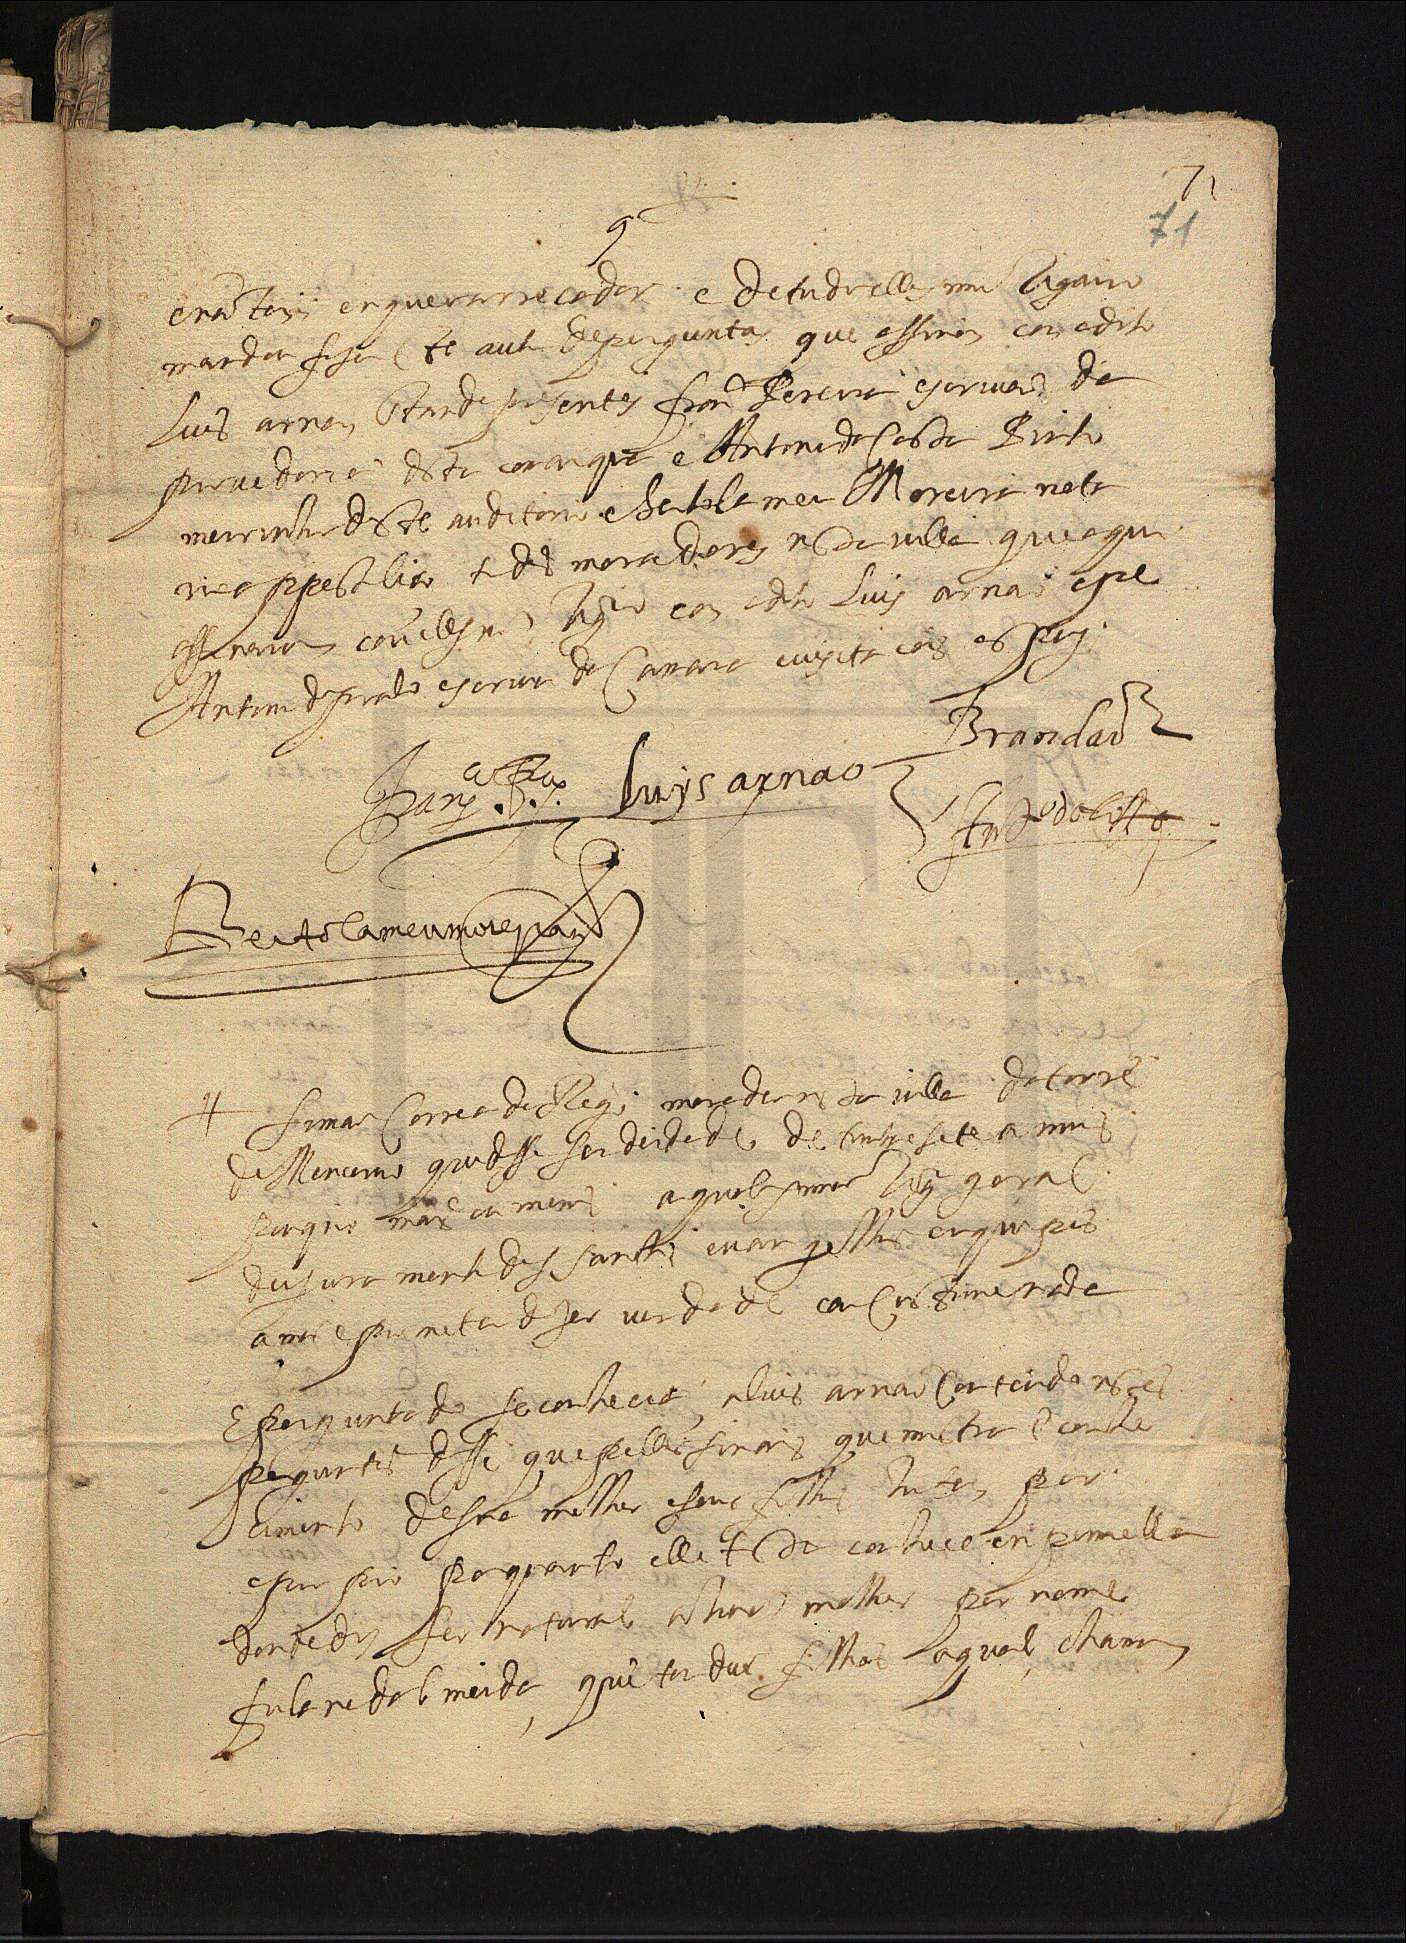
9
e naõ tem em que o arrecadar e de tudo elle snnr Vigairo
mandou fazer ste auto de perguntas que assinou com o dito
Luis arnau stando presentes franco Pereira escriuaõ da
prouedoria desta comarqua e Antono da Costa Pinto
meirinho deste auditorio e bertolomeu Moreira nota
rio appostolico todos moradores nesta uilla que aqui
assinaram com ele snor Vigro com o dito Luis arnao o pe
Antam do prado escriua da Camara e uisitaçois espuj
Brandaõ
Luys arnao
Fransco pra
Anto da costa
Bertolameu morejra
item Simaõ Correa do Rego morador nesta villa da torre
de Mencoruo que disse ser de idade de trinta e sete annos
pouquo mais ou menos ao qual snnor Vigro geral
deu juramento dos santos euangelhos en que pos
a maõ e prometeu dizer uerdade e ao Costume nada
E perguntado se conhecia a luis arnao Conteudo nestas
perguntas disse que pellos sinais que mostra o conhe
cimento de sua molher e seus filhos ho tem por
o propio porquanto elle testa conhece en pennella
donde diz ser natural a huā molher por nome
fulana dalmeida, que tem duas filhas a qual chamam
